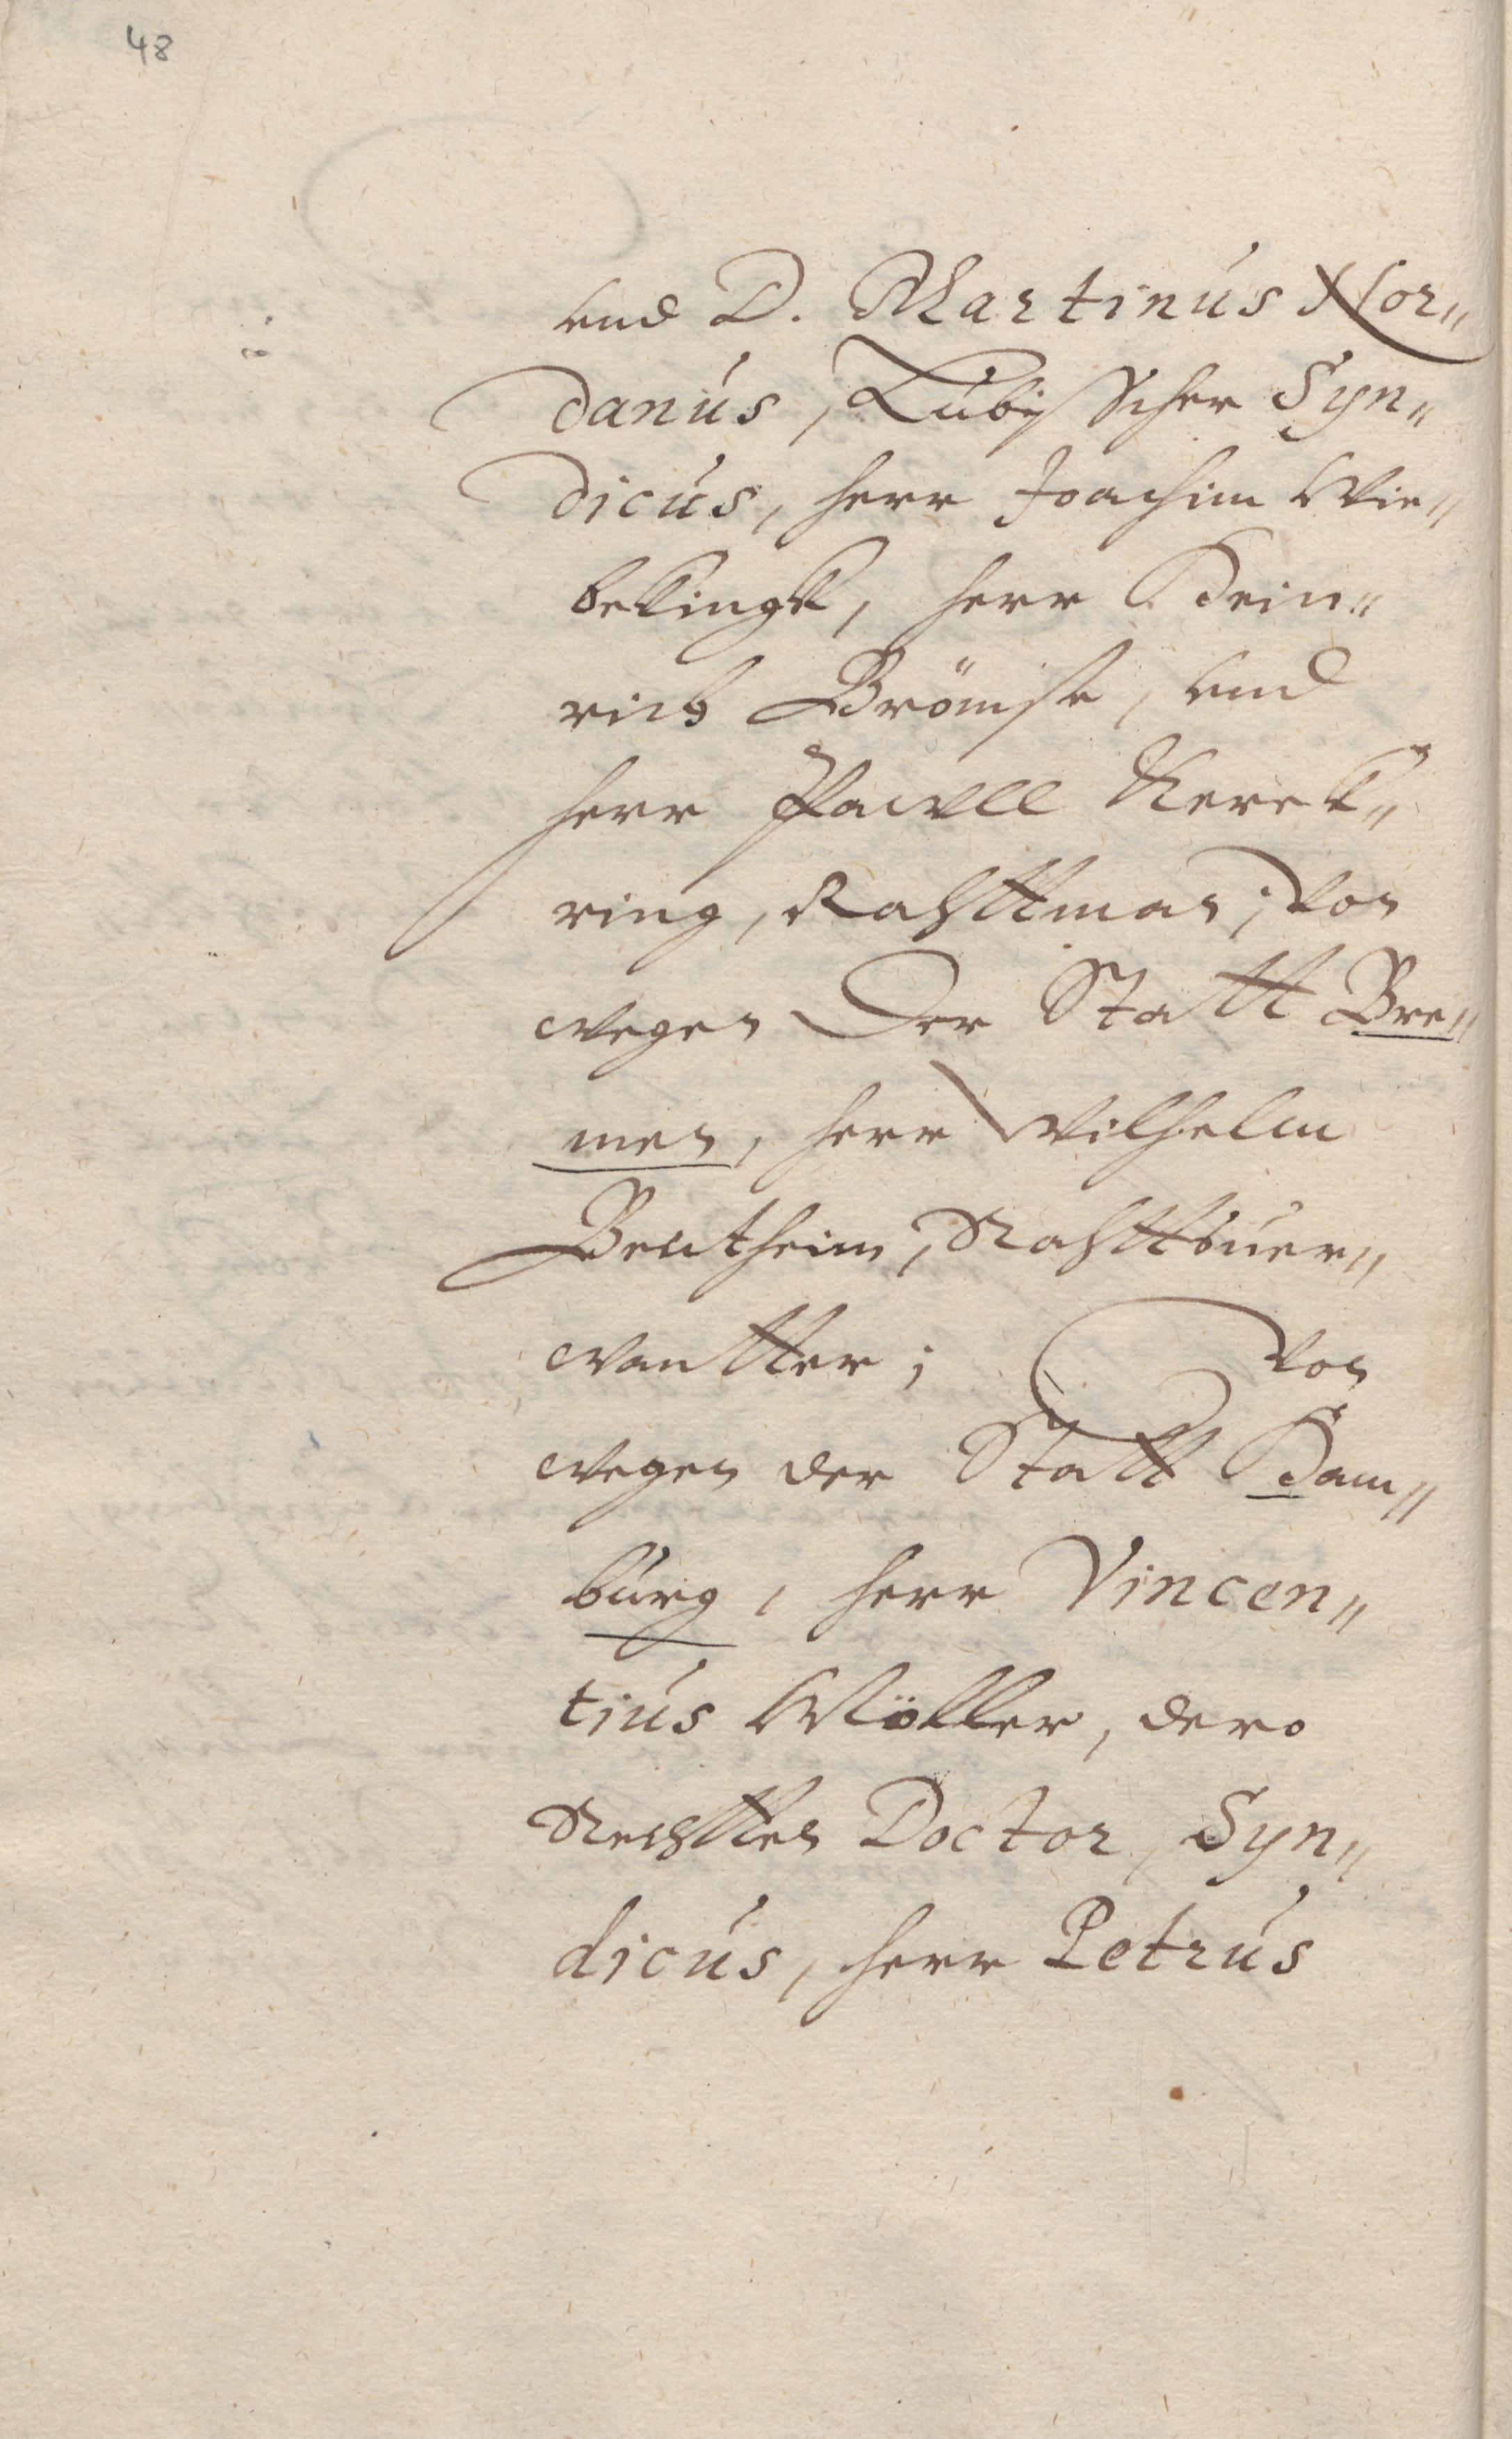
vnd D. Martinus Nor¬
danus, Lubischer Syn¬
dicus, herr Joachim Wie¬
bekingk, herr Hein¬
rich Brömse, vnd
herr Pawll Kerck¬
ring, Rahttman; von
wegen Der Statt Bre¬
men, herr Wilhelm
Bentheim, Rahttsuer¬
wantter; Von
wegen der Statt Ham¬
burg, herr Vincen¬
tius Möller, dero
Rechtten Doctor, Syn¬
dicus, herr Petrus
